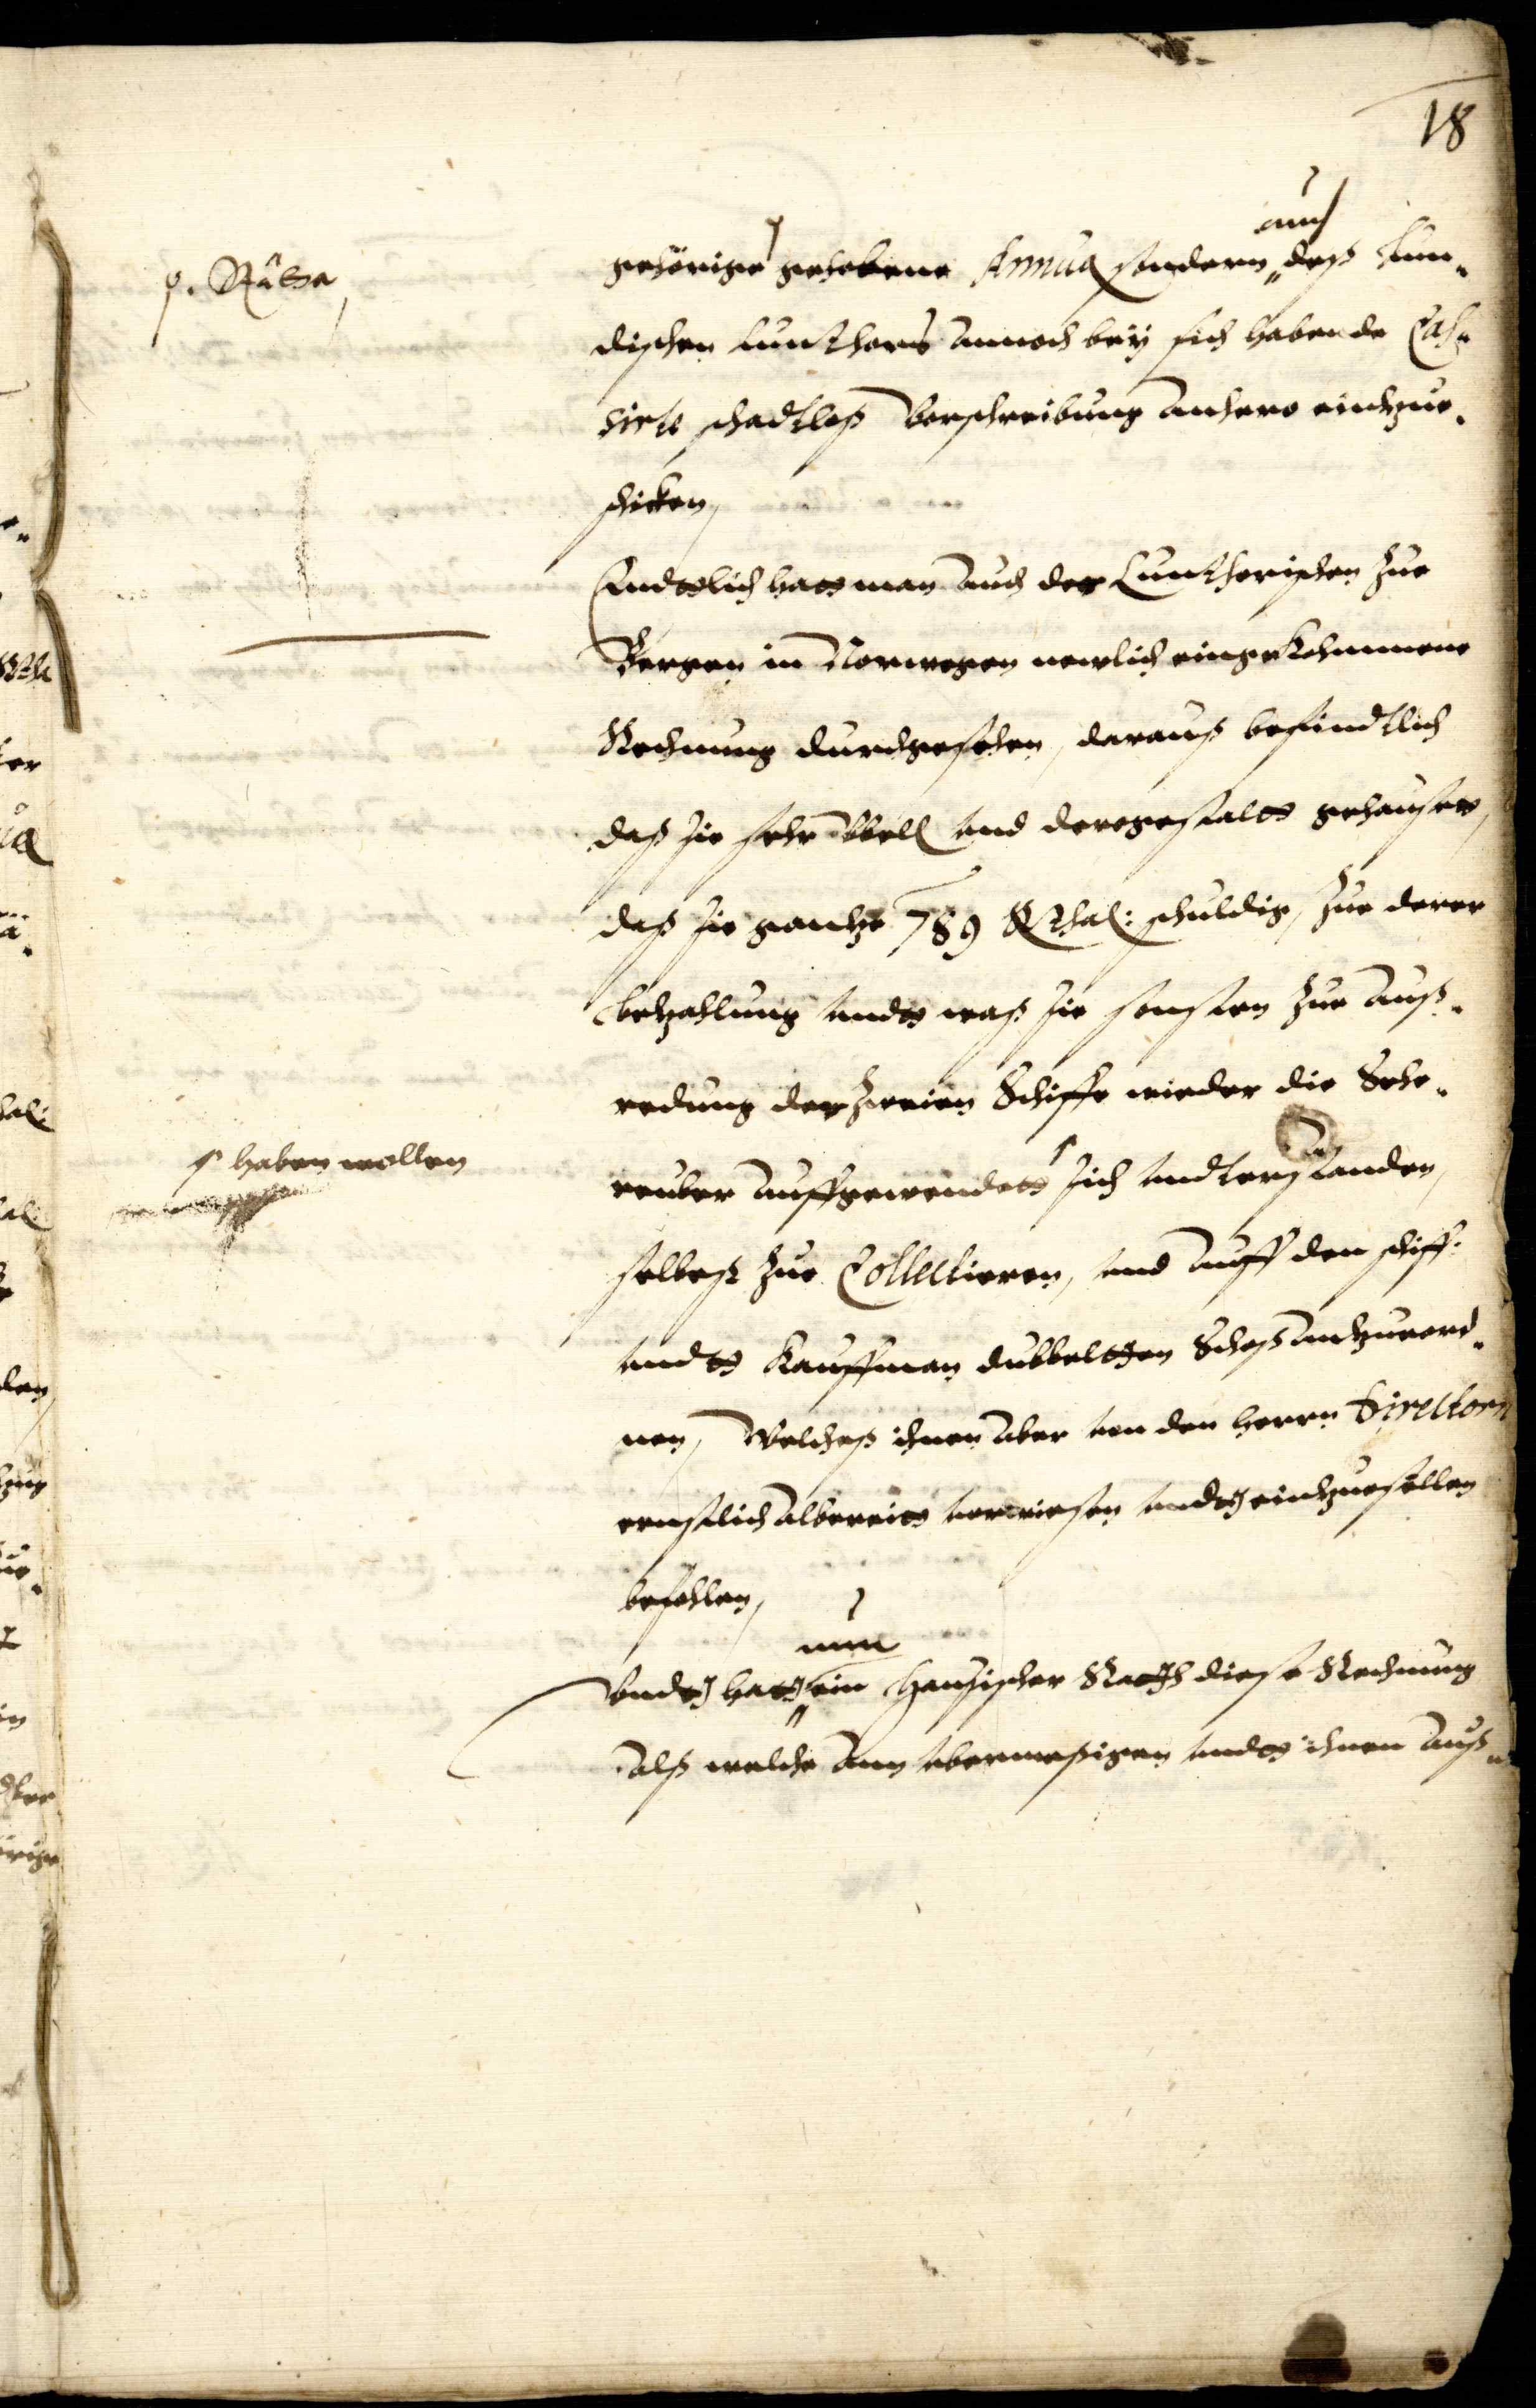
18
Y Stätta,
F haben wollen
gehörige Y gehobene Annua sondern auch deß Lun¬
dischen Cunthors Annoch beij sich habende Cas¬
sirte schadtloß Verschreibung Anhero eintzue¬
schicken,
Endttlich hatt man Auch der Cunthorischen zue
Bergen in Norwegen newlich eingekohmmene
Rechnung durchgesehen, darauß befindtlich
daß sie sehr Vbell vnd derogestallt gehausett,
daß sie gantze 789 Rthal: schuldig, zue derer
betzahlung vndt waß sie sonsten zue Auß¬
redung der zweien Schiffe wieder die Sehe¬
reuber Auffgewendett F sich vndterstanden,
selbeß zue Collectieren, vnd Auff den Schiff:
vndtt Kauffman dubbeltten Schoß Antzueord¬
nen, Welches ihnen aber von den herrn Directorn
ernstlich albereitt vorwiesen vndtt eintzuestellen
befohlen,
Vndtt hatt nun ein Hansischer Ratth diese Rechnung
Alß welche Ann vbermeßigen vndtt ihnen Auß¬
